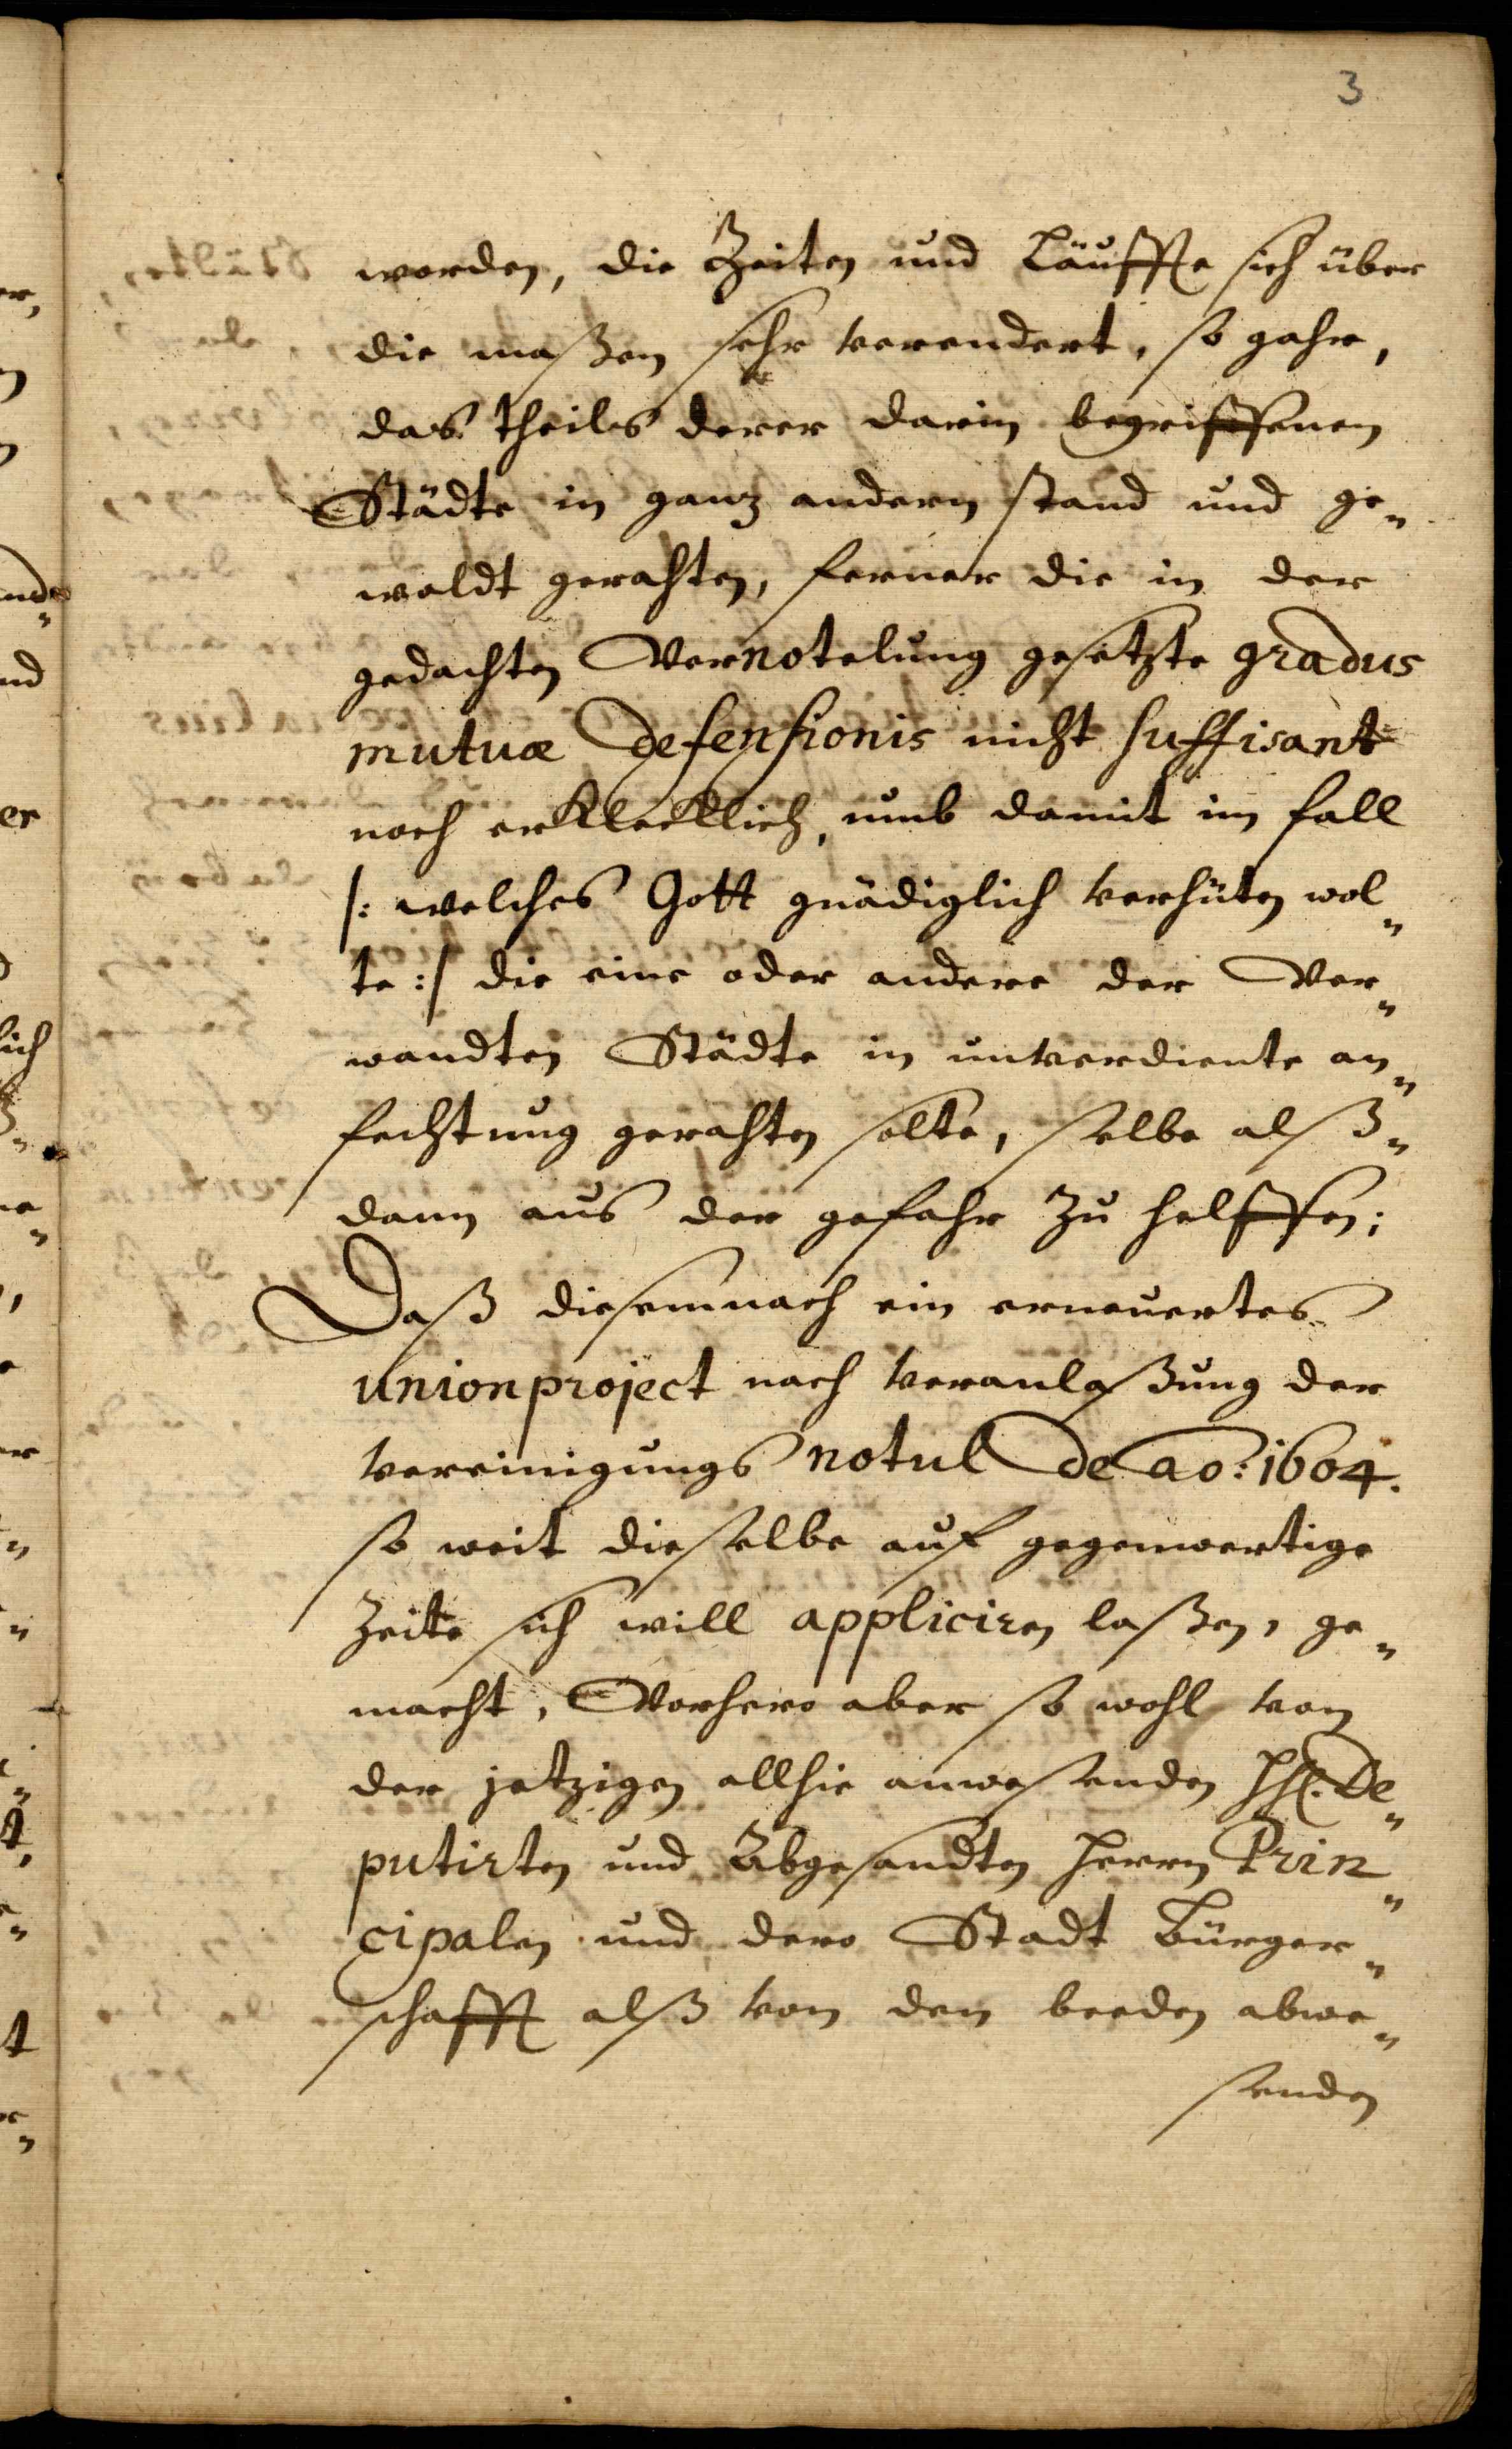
worden, die Zeiten und Läuffte sich über
die maßen sehr verendert, so gahr,
das theils derer darin begriffenen
Städte in ganz anderen stand und ge¬
waldt gerahten, ferner die in der
gedachten Vernotelung gesetzte gradus
mutuae defensionis nicht suffisant
noch erklecklich, umb damit im fall
|: welches Gott gnädiglich verhüten wol¬
te:| die eine oder andere der Ver¬
wandten Städte in unverdiente an¬
fechtung gerahten solte, selbe alß¬
dann aus der gefahr zu helffen;
Daß diesemnach ein erneuertes
unionproject nach veranlaßung der
vereinigungs notul de ao: 1604.
so weit dieselbe auf gegenwertige
Zeite sich will appliciren laßen, ge¬
macht, Vorhero aber so wohl von
der jetzigen allhir anwesenden hhl. De¬
putirten und Abgesandten herrn Prin¬
cipalen vud dero Stadt Bürger¬
schafft alß von den beeden abwe¬
senden
